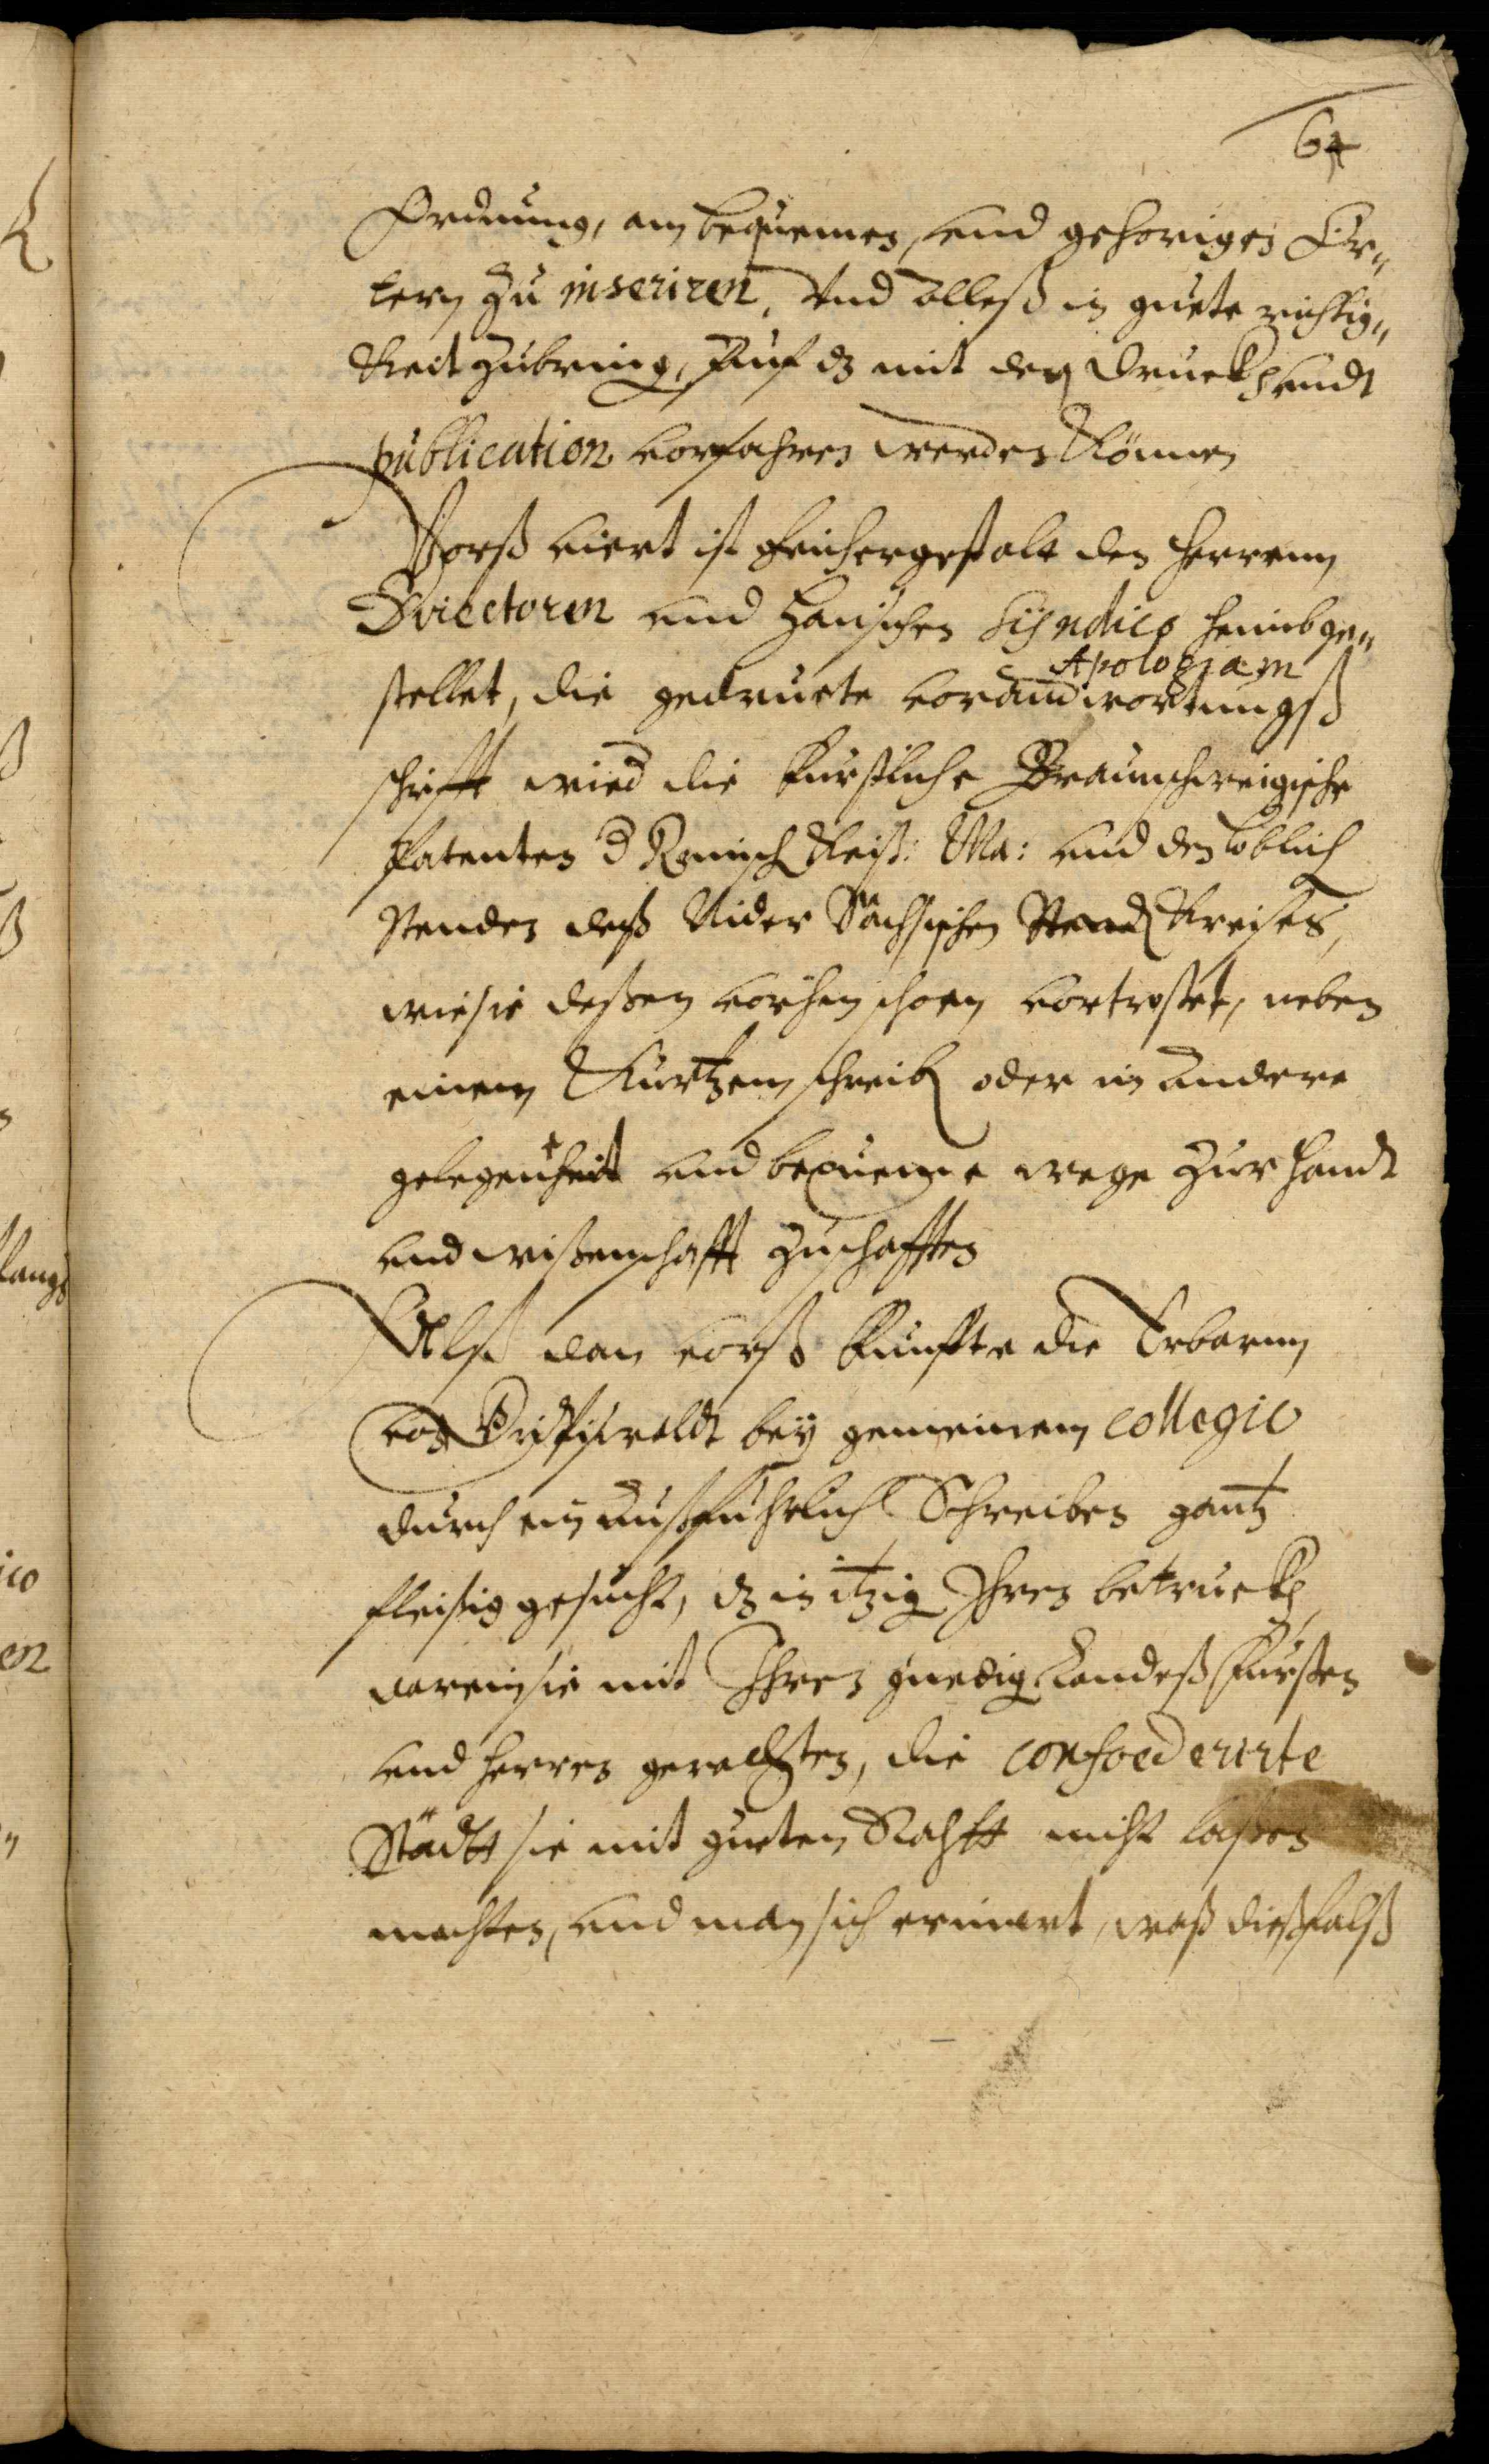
64
Ordnung, am bequemen, vnd gehorigen Or¬
tern zu inseriren, Vnd alleß in guete richtig¬
keit zubringen, Auf das mit dem druckh vnd
publication vorfahren werden Können
Vorß viert ist gleichergestalt den herrenn
Directoren vnd Hansischen Syndico heimb ge¬
Apologiam
stellet, die gedructe vorandwortungß
schrifft wieder die Furstliche Braunschweigische
Patenten der Romischen Keiß: Ma: vnd den loblichen
Stenden deß Nieder Sächsischen Stand Kreises,
wie sie deßen vorhin schon vortrostet, neben
einem Kurtzen schreiben oder in Andere
gelegentheit vnd bequeme wege zur handt
vnd wißenschafft zuschafften
Alß dan vorß Funfte die Erbarenn
von Gripiswaldt beij gemeinen collegio
durch ein Außfuhrlich Schreiben gantz
fleißig gesucht, das in itzigen Ihren betruckh,
darein sie mit Ihren gnedigen Landeß Fursten
vnd herren gerachten, die confoederirte
Städtt sie mit gutem Recht nicht laßen
machten, vnd man sich erinnert, waß dießfalß
